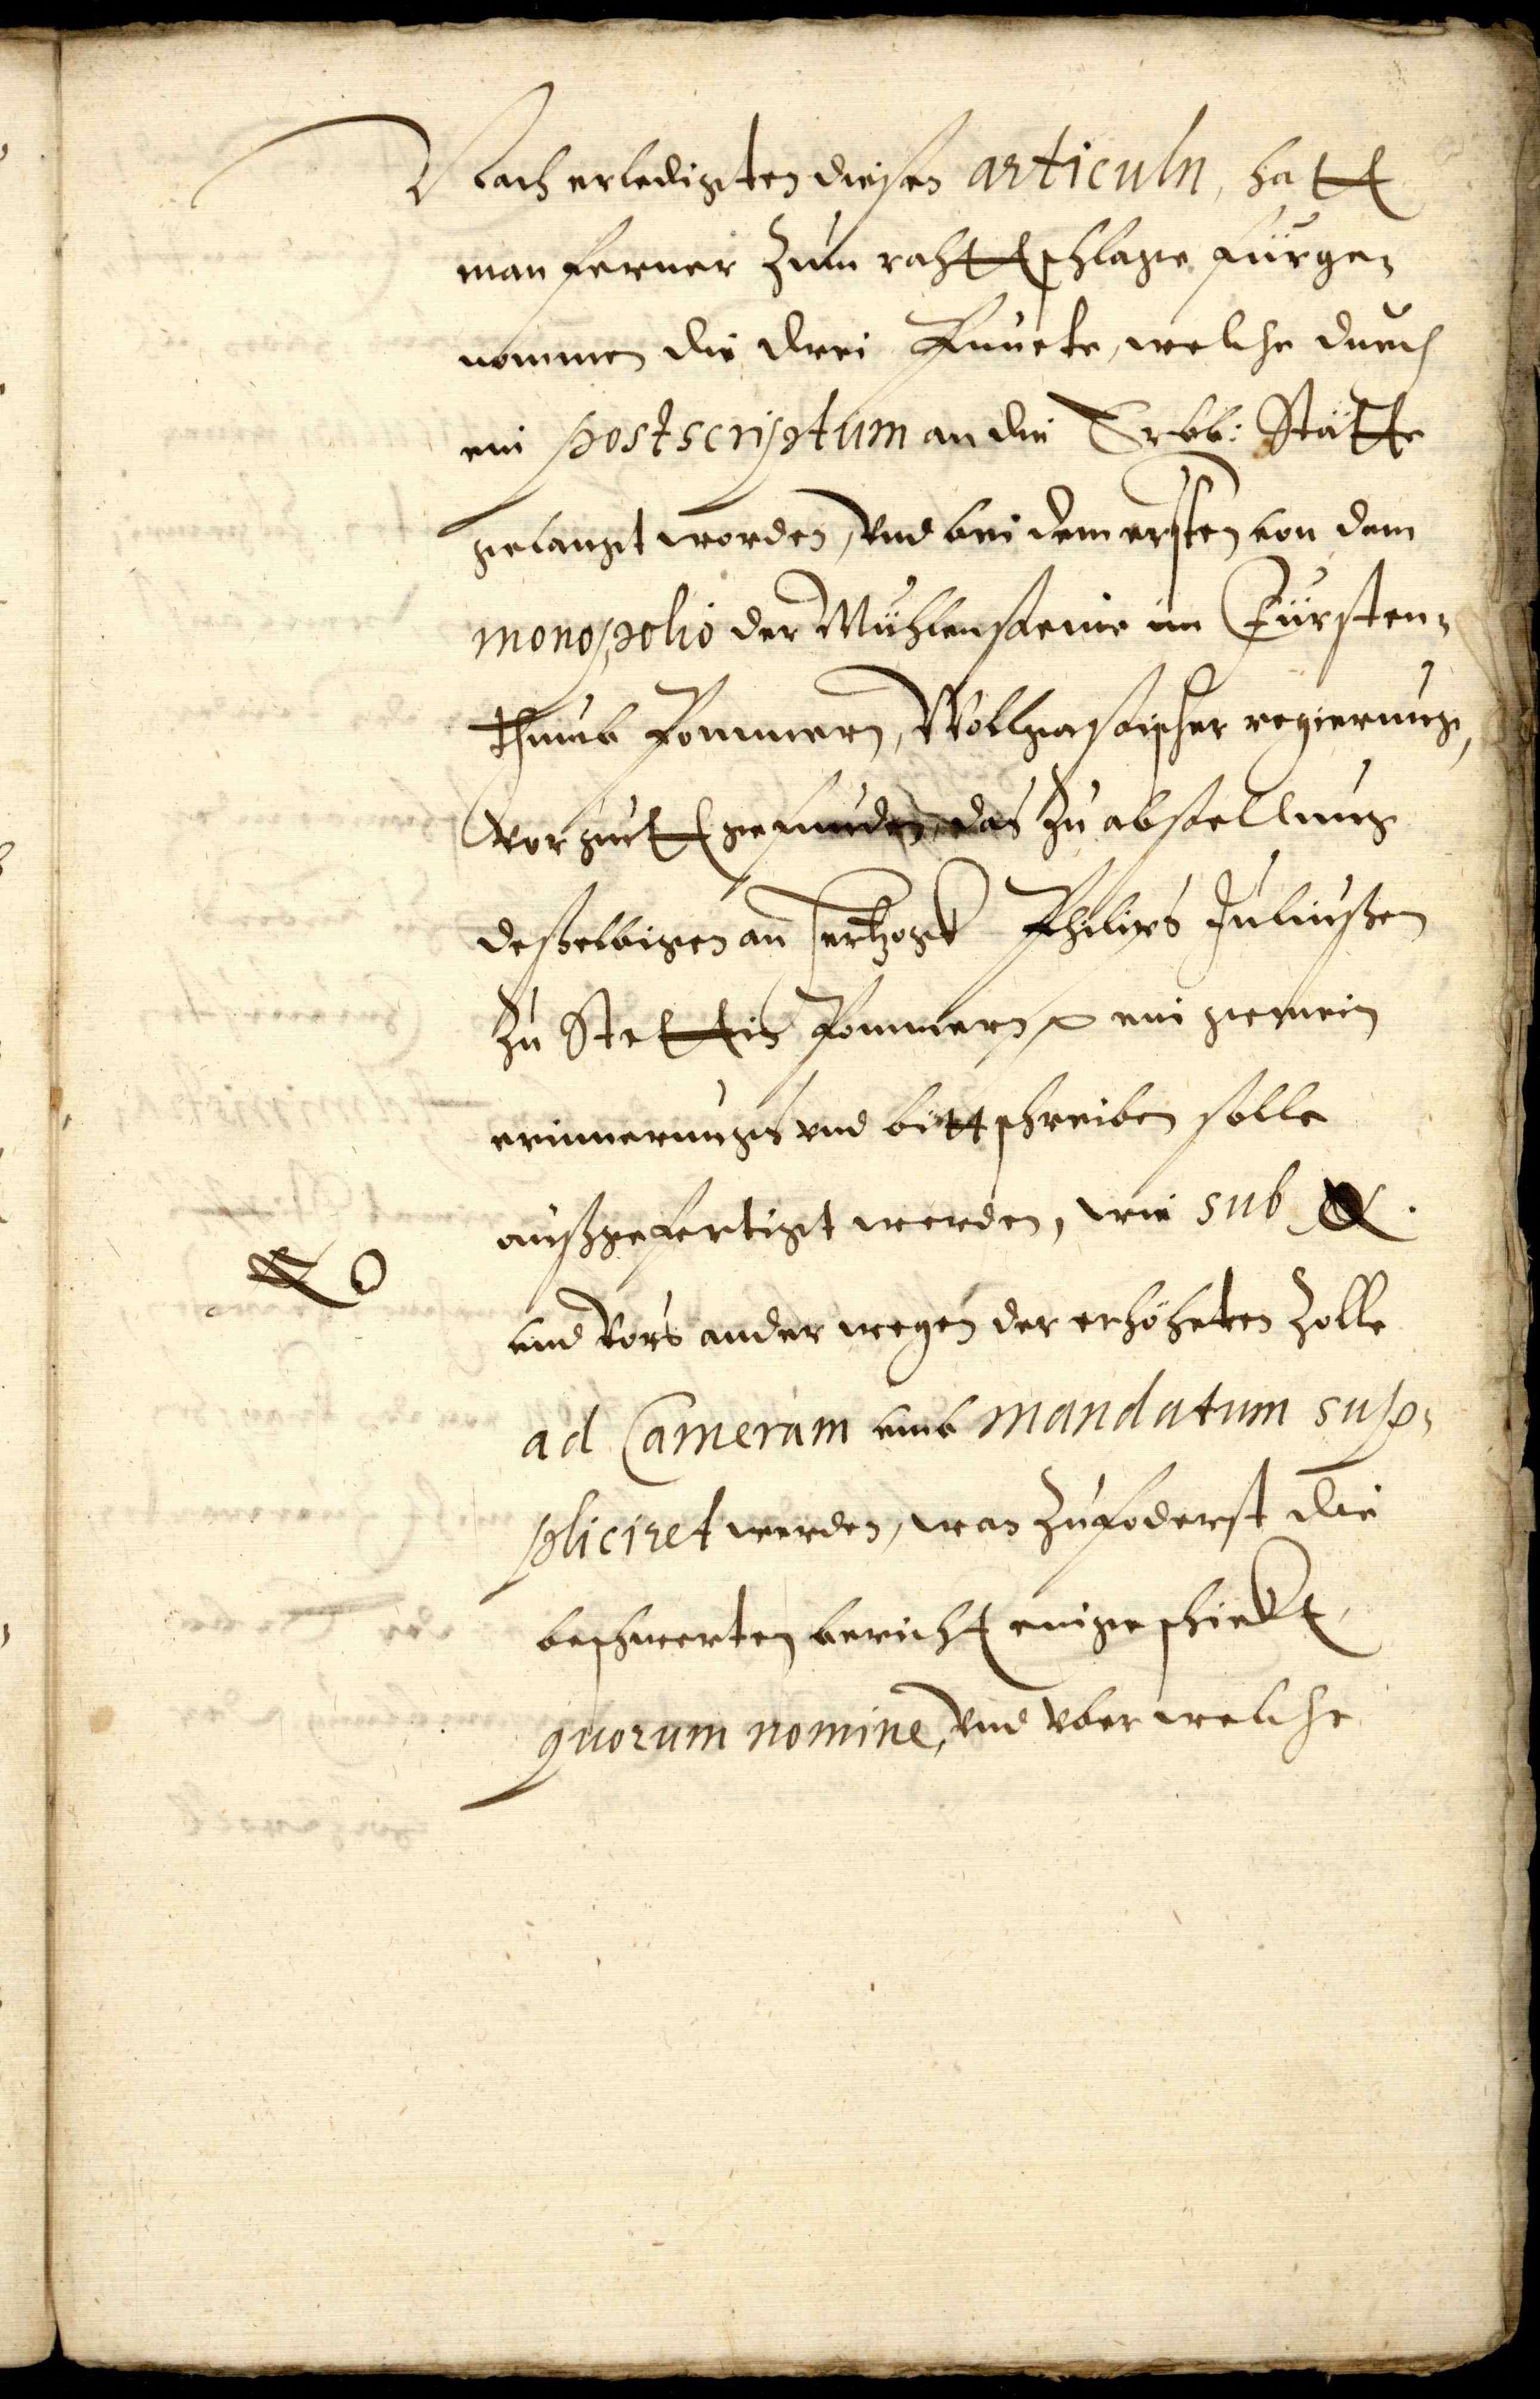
N O
Nach erledigten diesen articuln, hatt
man ferner Zum rahttschlage fürge¬
nommen die drei Puncte, welche durch
ein postscriptum an die Erbb: Stätte
gelangt worden, Vnd bei dem ersten von dem
monopolio der Mühlensteine im Fürsten¬
thumb Pommern, Wollgastischer regierung,
vor gutt gefunden, das Zu abstellung
deßelbigen an Hertzogk Philips Juliußen
Zu Stettin Pommern p ein gemein
erinnerungs vnd bittschreiben solle
außgefertigt werden, wie sub O.
vnd Vors ander wegen der erhöhten Zolle
ad Cameram vmb mandatum sup¬
pliciret werden, was Zuforderst die
beschwerten bericht eingeschickt
quorum nomine, Vnd Vber welche
